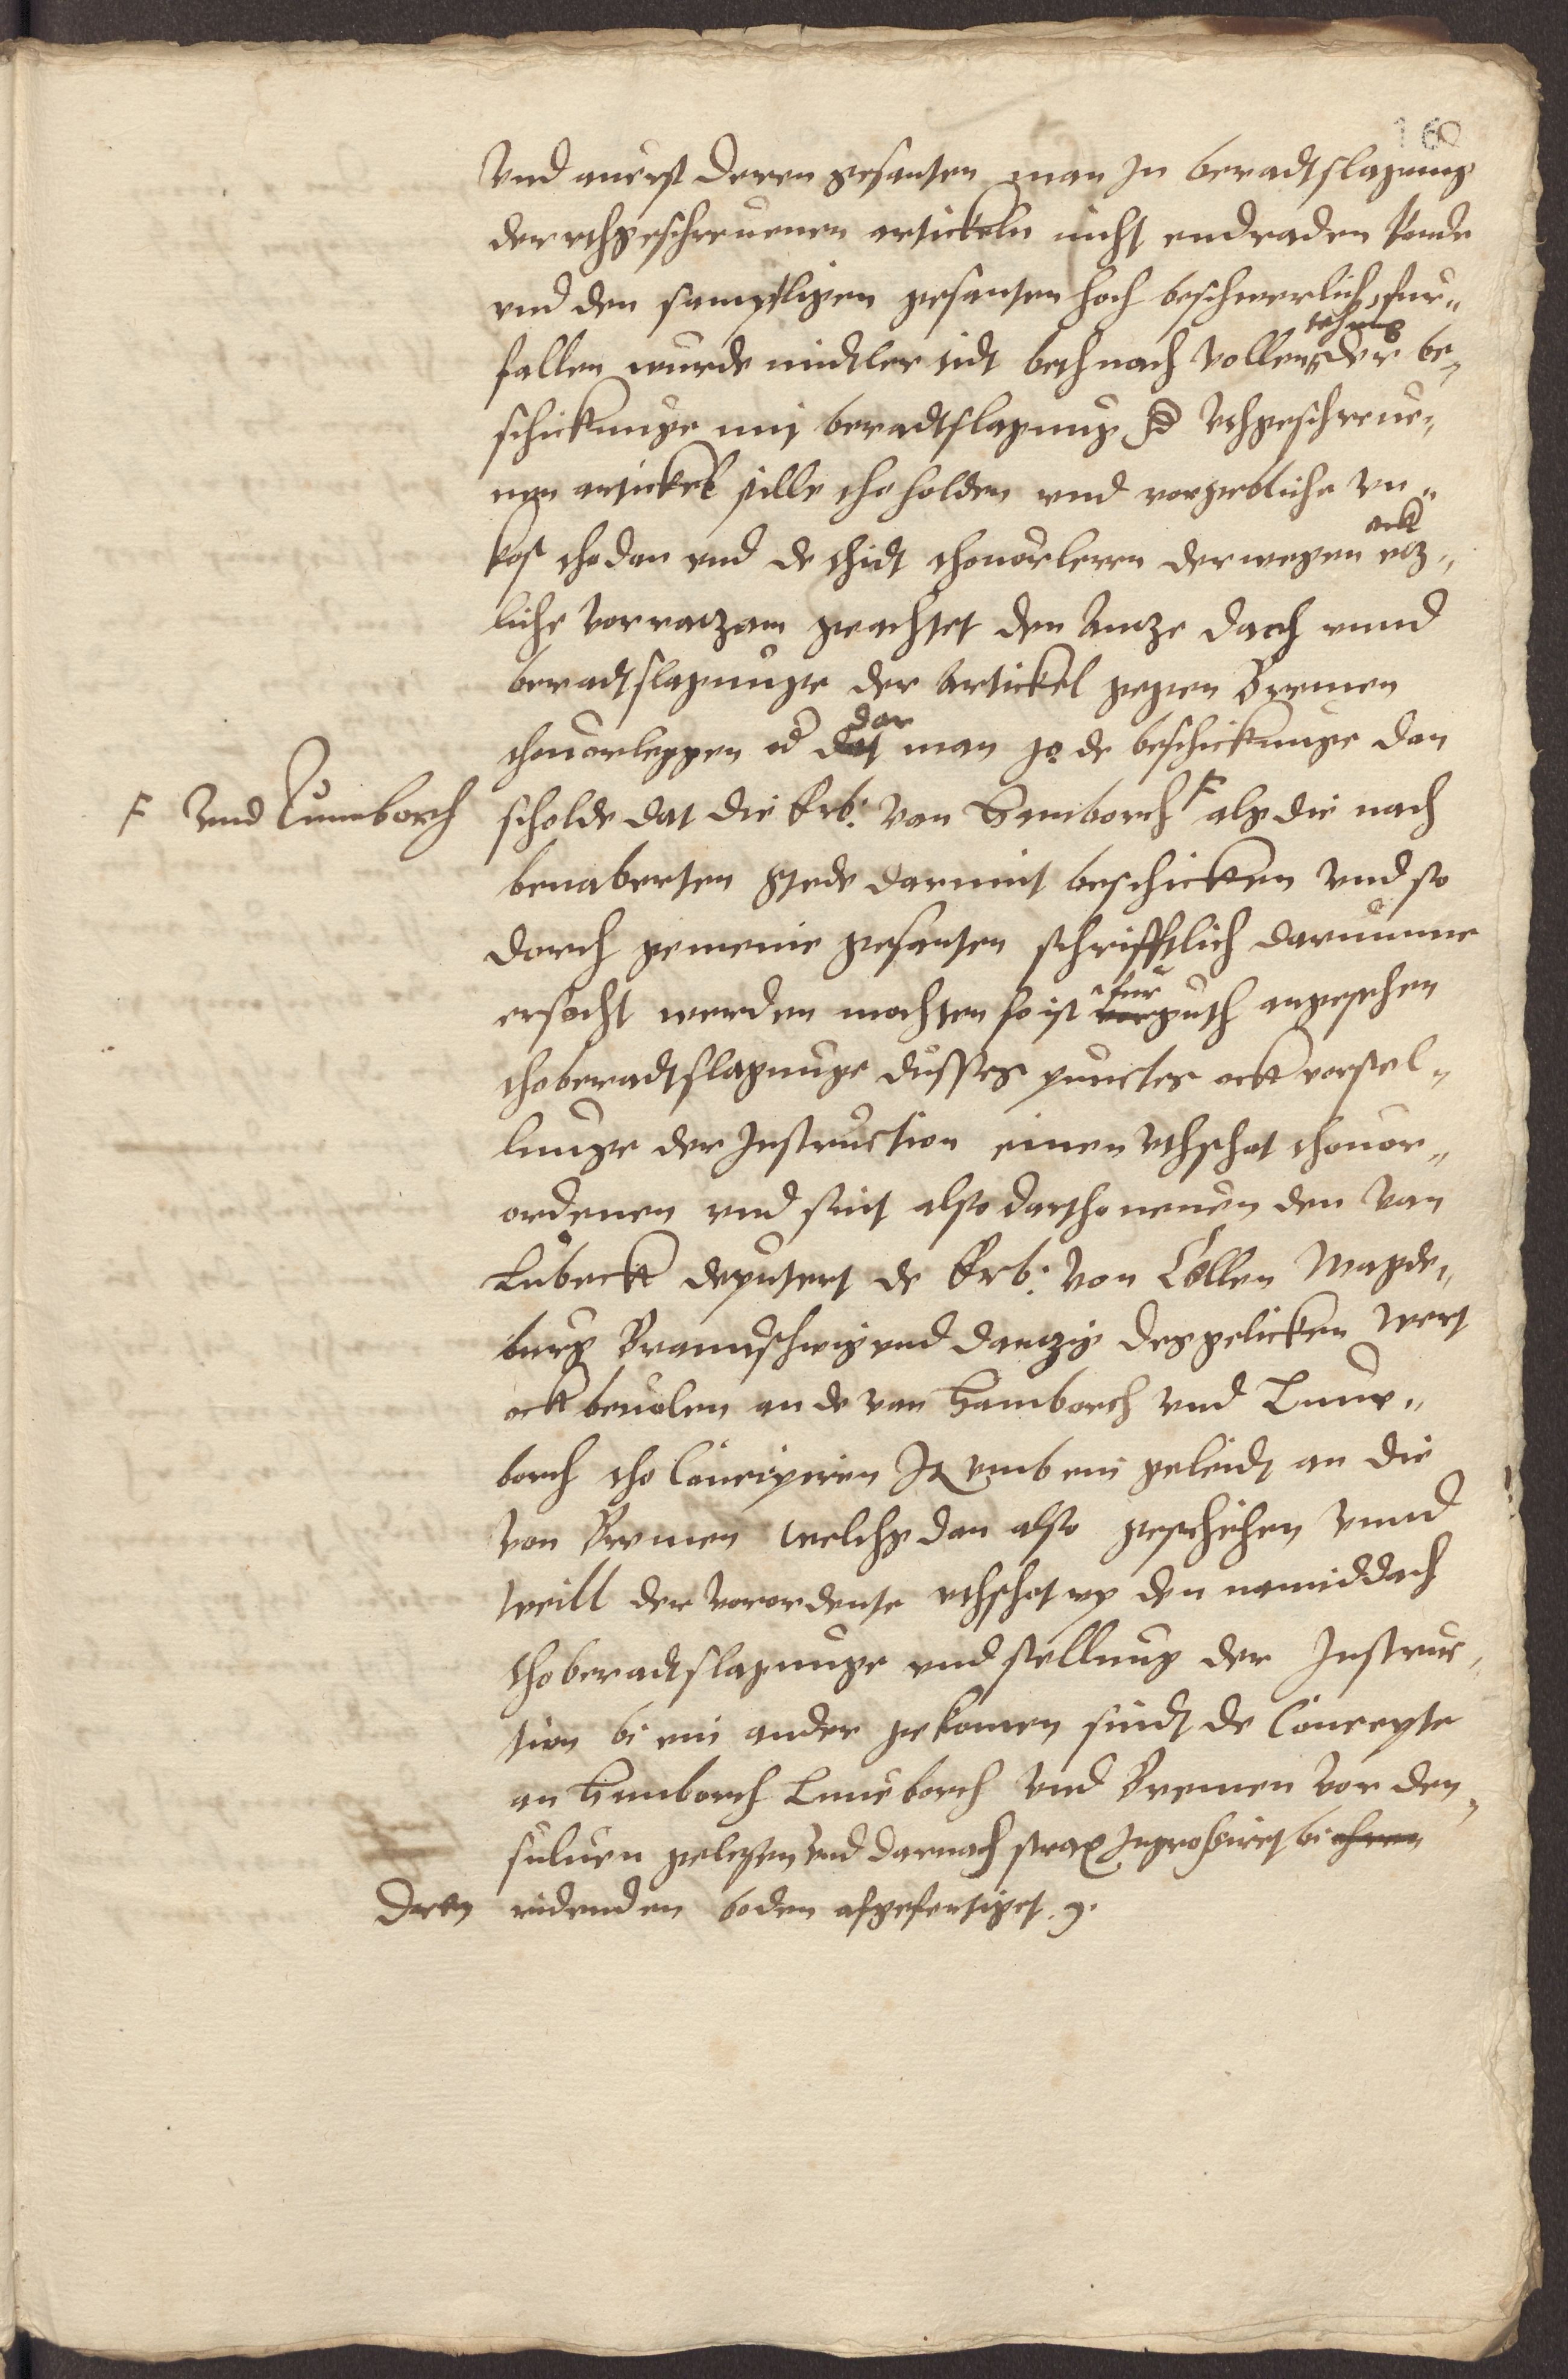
vnd auerst deren gesanten man in beradtslagung
der vthgeschreuenen artickeln nicht endraden konde
vnd den samptligen gesanten hoch beschwerlich fur¬
tehung
fallen wurde midtler tidt beth nach vollen " der be¬
schickunge mit beradtslagung der vthgeschreue¬
nen artickel stille tho holden vnd vorgebliche vn¬
ock
kost tho dan vnd de thidt thovorleren derwegen etz¬
liche vor ratzam geachtet den Antze dach vnnd
beradtslagunge der Artickel gegen Bremen
thouorleggen oder dat dar man Jo de beschickunge dan
scholde dat die Erb: van Hamborch F als die nach
benaberten Stede darmit beschicken vnd so
dorch gemeine gesanten schrifftlich darumme
^ fur
ersocht werden mochten so ist vorguth angesehen
thoberadtslagunge dusses punctes ock vorstel¬
lunge der Instruction einen vthschot thouor¬
ordenen vnd sint also dartho neuen den van
Lubeck deputert de Erb: von Collen Magde¬
burg Braunschwig vnd Dantzig desgelicken wert
ock beuolen an de van Hamborch vnd Lune¬
borch tho Concipiren Item vmb ein geleidt an die
von Bremen welchs dan also geschehen vnnd
weill der vorordente vthschot vp den namiddach
tho beradtslagunge vnd stellung der Instruc¬
tion bi ein ander gekomen sindt de Concepte
an Hamborch Luneborch vnd Bremen von den¬
suluen gelesen vnd darnach strax Jngrossiret bi ohren
dren ridenden boden afgefertiget .,.
F vnd Luneborch
